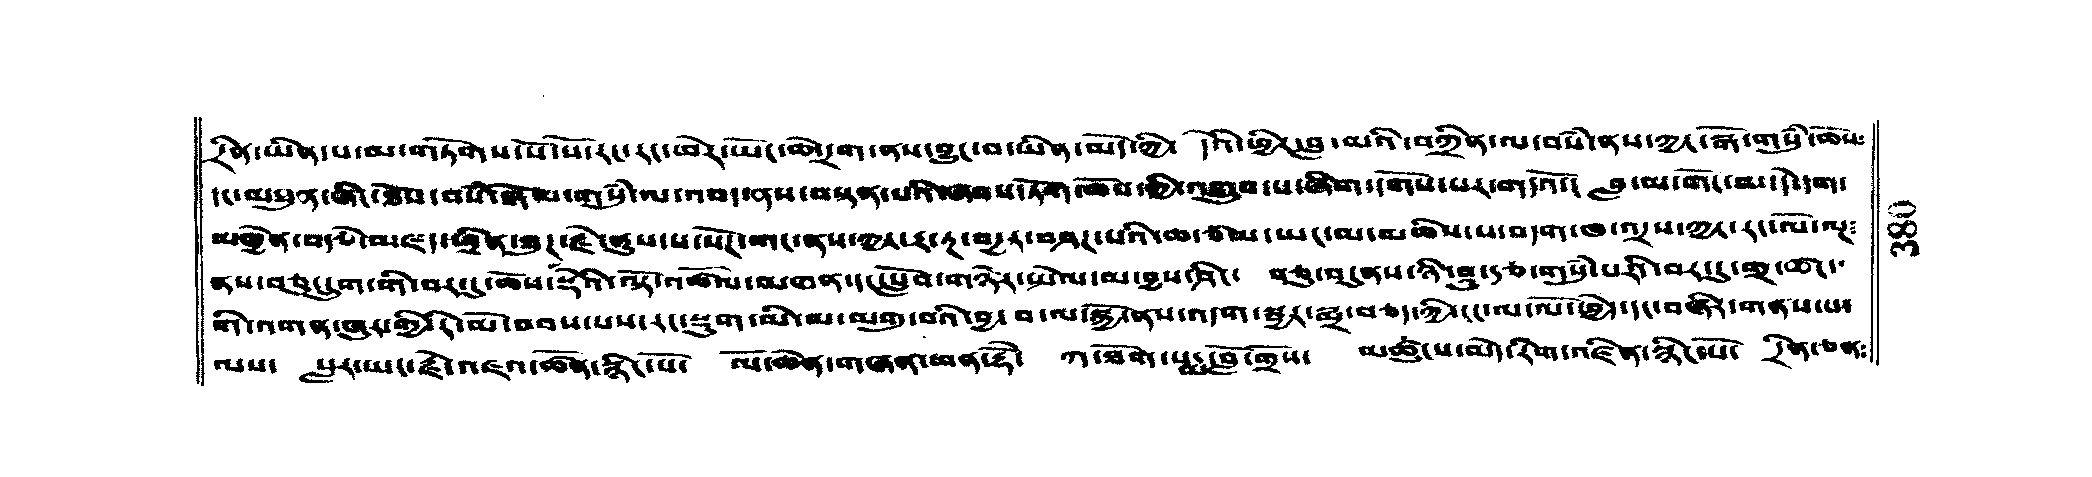དྲིན་ཡིན་པ་མ་གཏོགས་སོ་སོ་རང་རང་ཕེར་ཡོ་ཆེ་དྲག་ནས་བྱུང་བ་མིན་མོད་ཀྱི། དེའི་ཕྱིར་བླ་མའི་བཀའ་དྲིན་ལ་བསམ་ནས་ཀྱང་སྒོ་གསུམ་ཆོས་
དང་མཐུན་ཞིང་ཐོས་བསམ་སྒོམ་གསུམ་ལ་འབད་ནས་བསྟན་པའི་ཞབས་ཏོག་ཆོས་ཀྱི་འགྲུབ་པ་ཞིག་དགོས་པར་གདའ་འོ།།བླ་མ་གོང་མ་དེ་དག་
མཁྱེན་བརྩེ་མཛད་ཕྲིན་ཐུགས་རྗེ་ནུས་པ་སོགས་གང་ནས་ཀྱང་རྟ་རྔ་བརྒྱར་བཤགས་པའི་ཆ་ཙམ་ཡང་མ་མཆིས་པ་བདག་འདྲས་ཀྱང་རང་ལོ་ལྔ་
ནས་བཅུ་དྲུག་གི་བར་དུ་ཆོས་སྡེའི་ལྟོ་འཚོལ་མཁན་དང་སློབ་གཉེར་སྤེལ་མ་བྱས་ཤིང་། བཅུ་བདུན་ནས་ཉི་ཤུ་རྩ་གསུམ་བར་དུ་གྲྭ་ཚང་
གི་འགན་ཁུར་གྱི་རེས་མོས་བབས་པས་རང་སྡུག་མི་མ་མགུ་བའི་བྱ་བ་ལ་སྐྱོ་ནས་འདག་སྦྱར་སྨྲ་བཅད་ཀྱི་ངང་ལ་ལོ་ཕྱེད་དང་བཞིར་གནས་པ་
ལས། སླར་ཡང་རྗེ་འཇའ་ཚོན་སྙིང་པོ། ལོ་ཆེན་གཞན་ཕན་རྡོ་རྗེ། ཀཿཐོག་པདྨ་བློ་གྲོས། མཚུངས་མེད་རིག་འཛིན་སྙིང་པོ། དྲིན་ཅན་